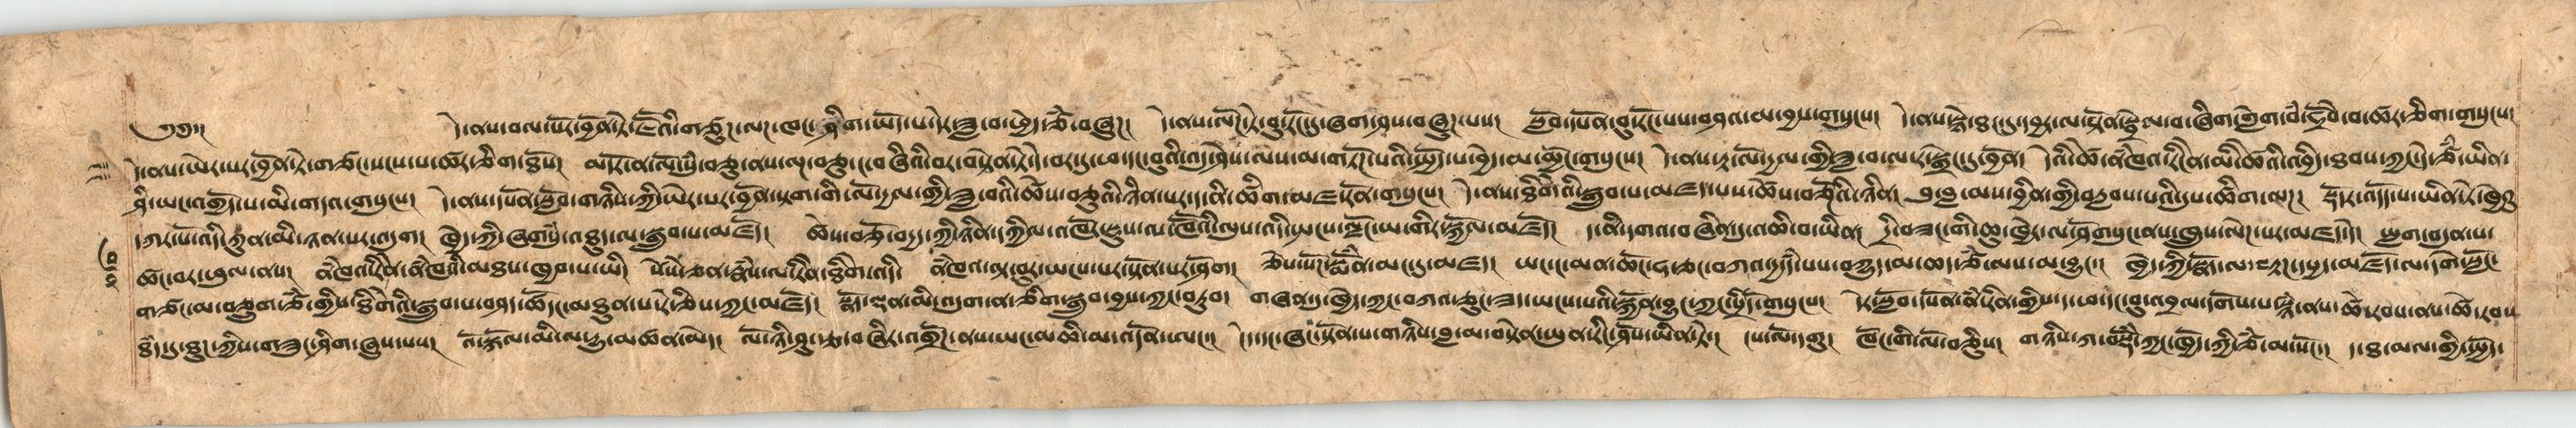༄༅་། དེ་ནས་བལ་པོར་བྱོན་ཏེ་ཇཽའི་གཙུཌ་ལཌ་ཁང་ཤིག་ཡོད་པ་དེར་ཟླ་བ་ཕྱེད་ཙཾ་བཞུཌ། དེ་ནས་ལོཌ་ཏེ་བུ་རོང་དུ་ཞག་ཤས་བཞུཌ་པས། སློབ་དཔོན་བུ་རོང་པས་བཤའ་མ་བྱས་གསུངས། དེ་ནས་སྙེ་ཐང་དུ་དབྱར་ལ་སྟོན་སྦྲེལ་བ་ཞིག་གླེག་བཾ་ཧྲོབེ་བ་ཚར་ཅིག་གསུངས།
དེ་ནས་ཡེར་པར་བྱོན་ཏེ་གཙང་སངས་པ་ཚར་ཅིག་ཐོས། མདོར་ན་ལོ་སུཾ་བཅུ་ནས་ལྔ་བཅུ་ང་བཞིའི་བར་བསྟེན་ཏེ་དེ་བར་དུ་ཕ་དང་བུའི་འདུ་ཤེས་ལས་མ་གཏོཌ་པའི་སྤྱོད་པ་བྱེད་མ་མྱོང་གསུངས། དེ་ནས་རྟ་ལོ་དྱལ་གྱི་ཟླ་བ་ལ་ར་སྒྲེང་དུ་བྱོན། དེའི་ཚེ་ནཾཁའ་རིངེན་མི་ཚེའི་འབྱིད་ཐབས་ཀྱང་དེ་ཙཾ་ཡིན་
ཤི་ཡང་འགྱོད་པ་མི་གདའ་གསུངས། དེ་ནས་དཔོན་སློབ་གཉིས་ཀྱི་ཡེར་པར་བྱོན་སྟག་གི་ལོ་དྱལ་གྱི་ཟླ་བའི་ཚེས་བཅུའི་ཉིན་པར་ད་ནི་ཚིག་མཛ་རནོ་གསུངས། དེ་ནས་ཐིགེའི་སྒྲུབ་པ་མཛད་པས་ཚེས་བཅྔོའི་ཉིན། བུ་བླ་མས་བྱིན་གྱི་བརླབས་པའི་དུས་ཚིག་ལཌ། སྡོདར་འདོད་པ་ཡིན་ཏེ་ཁྱེའུ་
དཀར་པོ་འདི་ཀུན་མི་ཉན་པར་འདུག། ཁྱེད་ཀྱི་ཞགསུཾ་འཐུད་ལ་སྒྲུབ་པ་མཛོད། ཚེས་བཅྭོ་བདྱད་ཀྱི་ཉིན་དཀྱིལ་འཁོར་སྡུས་ལ་ཁཽའི་ལུས་འདི་སྤངས་ལྗོང་ཡ་གིར་སྐྱོལ་མཛོད། ད་ནི་དགའ་བཞིན་དུ་འཆི་བ་ཡིན། དྲི་བཟང་གི་ཆུ་ཁྱེར་ལ་ཤོགསུངས་ནས་ཁྲུས་ལེཌ་པར་མཛད་དེ། ཡླག་བདུན་པ་
ཚང་བར་ཕུལ་ནས། ནཾཁའ་རིནེ་ནཾཁའི་མཐས་ཁྱབ་པ་ཡི། སེསཾ་ཅན་རྣཾས་ལ་རིནེ་ཐིགེ་འདི། ནཾཁའ་ལྟ་བུར་ཡངས་པར་སྟོན་པར་ཤོག། ཅེས་སོཌ་སྨོཾན་མང་དུ་མཛད། ཡང་ང་མན་ཆོང་ཧ་ཅང་བཀའ་དྱ་དཾ་པས་བཀྱུད་མ་ཆད་ཙཾ་ལས་མ་བྱུང་། ཁྱེད་ཀྱི་སྣོད་ལ་བརྟཌ་དཔྱད་མཛོད་ལ་དགེ་སློང་
གཙང་མ་བཅྲུག་ཙཾ་གྱིས་ཐིགེའི་སྒྲུབ་པ་བཤད་ཚོདང་མཐུན་པ་རེ་ཅིས་ཀྱང་མཛོད། སྣོད་ལྡན་མི་འདུག་ན་ཅིག་སྒྲུབ་བྱས་ཀྱང་བཏུབ། གཞན་དུ་ཁྱེད་ཀྱང་བཀའ་ཅུང་ཟད་ཡངས་པའི་སྐྱོན་བྱུང་ཀྱང་་སྲིདོ་གསུངས། དེར་སློབ་དཔོན་ནཾ་རིན་གྱིས་ད་ཕ་དང་བུ་འབྲལ་དགོས་པ་སྙཾ་ནས་ཚེ་རབས་ནས་ཚེ་རབས
ཐཾད་དུ་ཐུཌ་ཀྱིས་གཟུང་ཤིག་ཞུས་པས། འོ་སྐོལ་མི་ལ་དྱུ་མཚན་མེད། ལོ་ཉི་ཤུ་རྩ་བཞིར་འགྲོཌ་ནས་ཡང་མཆི་མ་འདོན་ཨང་། ངེད་དང་ཞང་སྟོན་པ་གཉིས་བླ་མ་བསྟེན་ཡུན་རིང་ཤོས་ཡིན་ཏེ། ངས་ལོ་དགུ། ཁོང་གི་ལོ་བཅིུས། གཉིས་ཀ་བསྡོཾས་ཀྱང་ཁྱོད་ཀྱི་ཙཾ་མ་སོང་། ད་ཐ་མལ་གྱི་སྤྱོད་